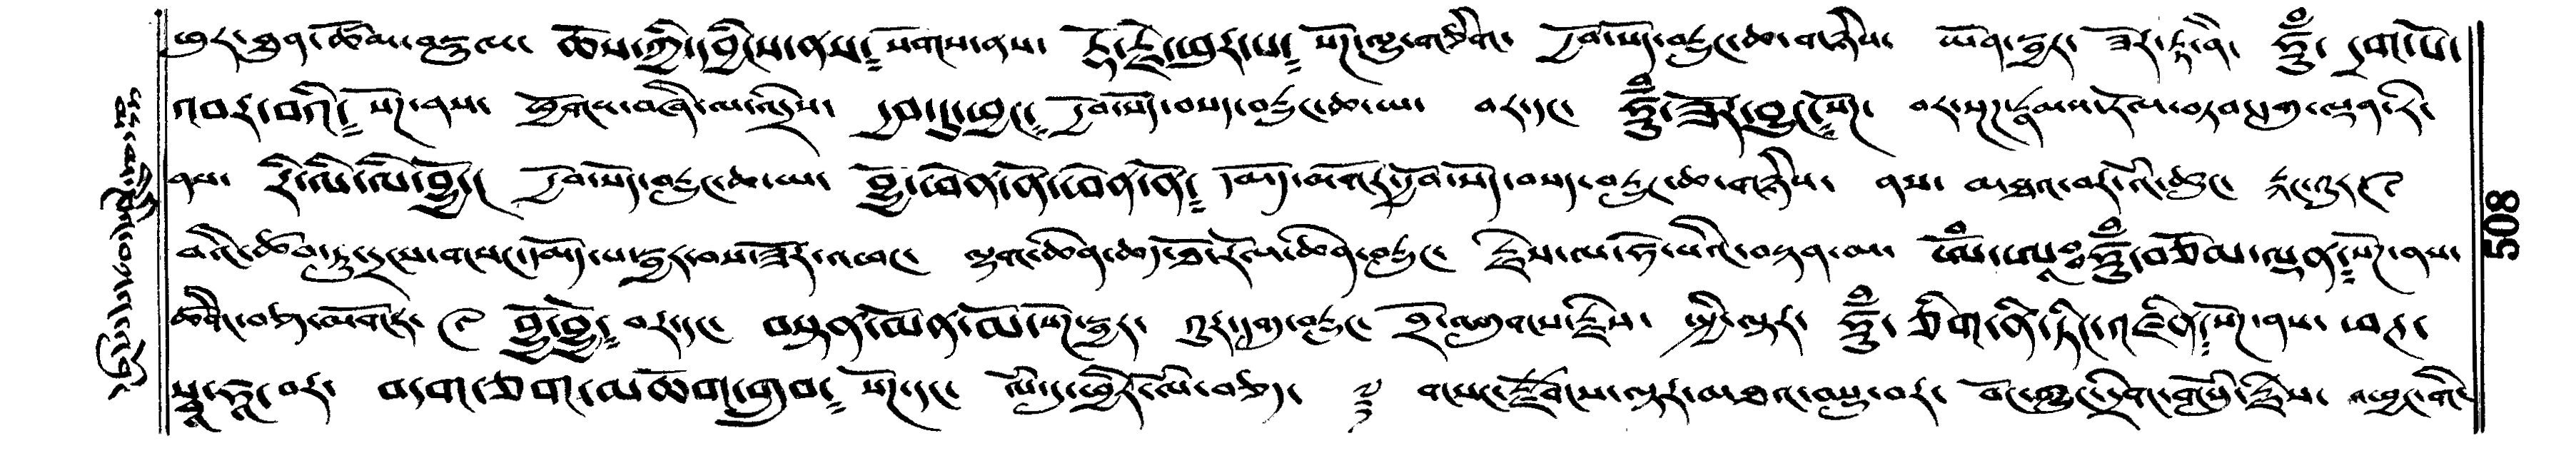ཕུར་ཐུན་ཚོམ་བསྐུལ། ཆོས་ཀྱི་དབྱིངས་ནས༴ སོགས་ནས། རྡོ་རྗེ་ཕུར་པ༴ སོགས་ལྷུ་གཅིག ( རྒྱོབ་སོད་བརྡུང་ཆ་གཉིས། ) ཡོན་སྦྱར། ཟོར་རྟ་ནི། ཧཱུྃ༔ དྲག་པོ་
འབར་བའི༴ སོགས་ནས། ཕྱོགས་བཞི་ལ་འགྲེས། རྒྱབ་ཏུ་ཕྱང༴ ( རྒྱོབ་སོད་བསད་བརྡུང་ཆ་ཡ། ) བར་དང་། ཧཱུྃ༔ཟོར་བྱུང༴ སོགས་ནས། ( བར་སྔགས་རྣམས་རོལ་བཏབ་དགུ་ལྡན་རེ་
ནས། རི་ལི་ལི་བྷྱོ༔ ( རྒྱོབ་སོད་བརྡུང་ཆ་ཡ། ) བྷྱོ༔ཕེན་ནོ་ཕེན་ནོ༴ ( དམོད་མགོར་རྒྱོབ་སོད་བསད་བརྡུང་ཆ་གཉིས། ) ནས། མཐའ་བར་རམ་ཆུང་ ( རྐང་འུར་དགུ་ ) 
བའི་ཚབ་ཏུ་དྲང་སྲོག་དམོད་པ་སྦྱར་བས་ཟོར་འཕང་། ལྷག་ཆེན་ཆད་ཐོ་རོལ་ཆེན་བརྡུང་། རྗེས་ལ་ཧེ་པའི་བསྟན་མ། ཨོཾ་ཨཱཿཧཱུྃ༔བཅོམ་ལྡན༴ སོགས་ནས་
ཚིགས་བཅད་མགོར་ ( དགུ ) བྷྱོ་བྷྱོ༴ བར་དང་། བསྟན་མཆེན་མོ༴སོགས་སྦྱར། ( འུར་དགུ་བརྡུང་། ) བྲོ་འགུགས་རྗེས། སྤྱི་ལྟར། ཧཱུྃ༔ཅིག་ནི་ཏིང་འཛིན༴ སོགས་ནས། ཕཊ་
སྭཱ་ཧཱཿ བར། བདག་ཅག་མཆོག་གྲུབ༴ སོགས་དང་། ལམ་དུ་ཕྱིར་ལམ་བཅད། ༈ གསང་རྫོགས་ལྟར་མཐའ་བསྡུ་བར། བོང་ཁྱུང་དྲེགས་གསུམ་རྗེས། འཕྱང་གི་